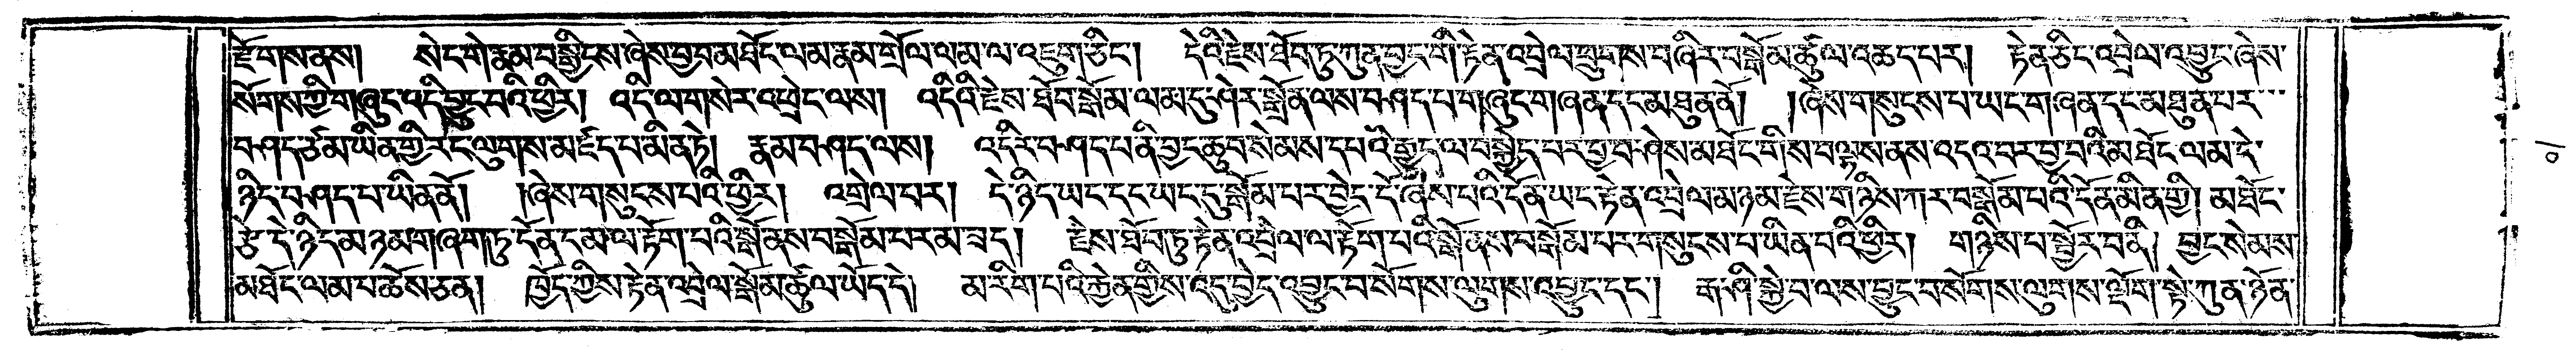རྫོགས་ནས། སེང་གེ་རྣམ་བསྒྱིངས་ཞེས་བྱ་བ་མཐོང་ལམ་རྣམ་གྲོལ་ལམ་ལ་འཇུག་ཅིང་། དེའི་རྗེས་ཐོབ་ཏུ་ཀུན་བྱང་གི་རྟེན་འབྲེལ་ཕྲུགས་བཞིར་བསྒོམ་ཚུལ་འཆད་པར། རྟེན་ཅིང་འབྲེལ་འབྱུང་ཞེས་
སོགས་ཀྱི་གཞུང་འདི་བྱུང་བའི་ཕྱིར། འདི་ལ་གསེར་འཕྲེང་ལས། འདིའི་རྗེས་ཐོབ་སྒོམ་ལམ་དུ་ཤེར་སྒྲོན་ལས་བཤད་པ་གཞུང་གཞན་དང་མཐུན་ནོ། །ཞེས་གསུངས་པ་ཡང་གཞན་དང་མཐུན་པར་
བཤད་ཙམ་ཡིན་གྱི་རང་ལུགས་མཛད་པ་ཡིན་ཏེ། རྣམ་བཤད་ལས། འདིར་བཤད་པ་ནི་བྱང་ཆུབ་སེམས་དཔའི་རྒྱུད་ལ་བསྐྱེད་པར་བྱ་བ་ཤེས་མཐོང་གིས་བལྟས་ནས་འདའ་བར་བྱ་བའི་མཐོང་ལས་དེ་
ཉིད་བཤད་པ་ཡིན་ནོ། །ཞེས་གསུངས་པའི་ཕྱིར། འགྲེལ་པར། དེ་ཉིད་ཡང་དང་ཡང་དུ་སྒོམ་པར་བྱེད་དོ་ཞེས་པའི་དོན་ཡང་རྟེན་འབྲེལ་མཉམ་རྗེས་གཉིས་ཀར་བསྒོམ་པའི་དོན་མིན་གྱི། མཐོང་
རྩེ་དེ་ཉིད་མཉམ་གཞག་ཏུ་དོན་དམ་པ་རྟོག་པའི་སྒོ་ནས་བསྒོམ་པར་མ་ཟད། རྗེས་ཐོབ་ཏུ་རྟེན་འབྲེལ་ལ་རྟོག་པའི་སྒོ་ནས་བསྒོམ་པར་གསུངས་བ་ཡིན་བའི་ཕྱིར། གཉིས་པ་སྦྱོར་བ་ནི། བྱང་སེམས་
མཐོང་ལམ་པ་ཆོས་ཅན། ཁྱོད་ཀྱིས་རྟེན་འབྲེལ་སྒོམ་ཚུལ་ཡོད་དེ། མ་རིག་པའི་རྐྱེན་གྱིས་འདུ་བྱེད་འབྱུང་བ་སོགས་ལུགས་འབྱུང་དང་། རྒ་ཤི་སྐྱེ་བ་ལས་བྱུང་བ་སོགས་ལུགས་ལྡོག། སྟེ་ཀུན་ཉོན་